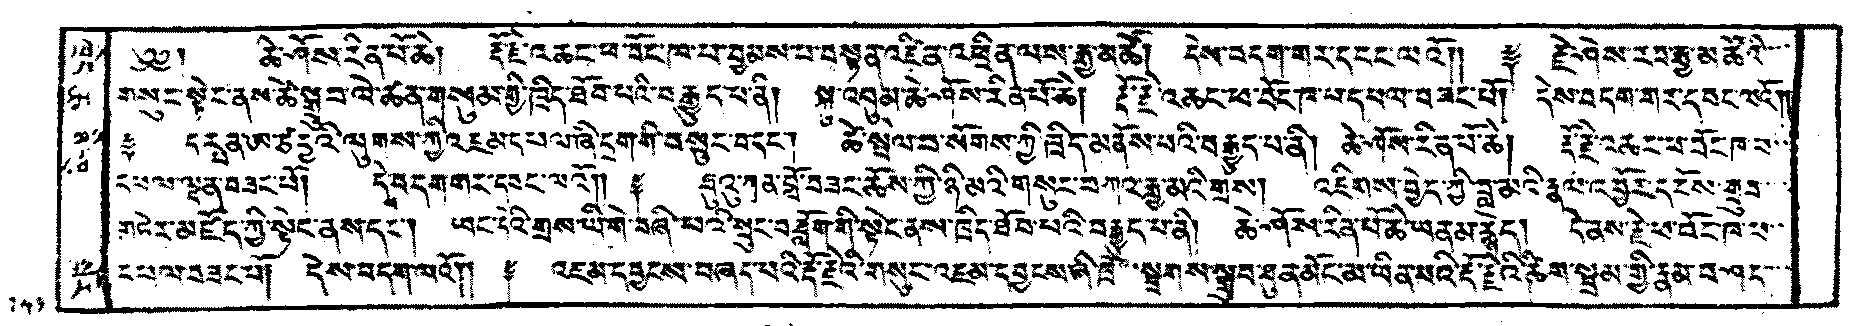༄༅། །ཆེ་ཤོས་རིན་པོ་ཆེ། རྡོ་རྗེ་འཆང་ཕ་བོང་ཁ་པ་བྱམས་པ་བསྟན་འཛིན་འཕྲིན་ལས་རྒྱ་མཚོ། དེས་བདག་གར་དབང་ལའོ།། ༈ རྗེ་ཤེས་རབ་རྒྱ་མཚོའི་
གསུང་སྟེང་ནས་ཚེ་སྒྲུབ་ལེ་ཚན་གསུམ་གྱི་ཁྲིད་ཐོབ་པའི་བརྒྱུད་པ་ནི། སྐུ་འབུམ་ཆེ་ཤོས་རིན་པོ་ཆེ། རྡོ་རྗེ་འཆང་ཕ་བོང་ཁ་པ་དཔལ་བཟང་པོ། དེས་བདག་གར་དབང་ལའོ། །
༈ དརྤན་ཨ་ཙརྱའི་ལུགས་ཀྱི་འཇམ་དཔལ་ཞི་དྲག་གི་བསྲུང་བ་དང་། ཚེ་སྤེལ་བ་སོགས་ཀྱི་ཁྲིད་མནོས་པའི་བརྒྱུད་པ་ནི། ཆེ་ཤོས་རིན་པོ་ཆེ། རྡོ་རྗེ་འཆང་ཕ་བོང་ཁ་པ་
དཔལ་ལྡན་བཟང་པོ། དེས་བདག་གར་དབང་ལའོ།། ༈ ཐུའུ་ཀྭན་བློ་བཟང་ཆོས་ཀྱི་ཉི་མའི་གསུང་བཀའ་རྒྱ་མའི་གྲས། འཇིགས་བྱེད་ཀྱི་བླ་མའི་རྣལ་འབྱོར་དངོས་གྲུབ་
གཏེར་མཛོད་ཀྱི་སྟེང་ནས་དང་། ཡང་དེའི་གྲས་ཡི་གེ་བཞི་པའི་སྲུང་བཟློག་གི་སྟེང་ནས་ཁྲིད་ཐོབ་པའི་བརྒྱུད་པ་ནི། ཆེ་ཤོས་རིན་པོ་ཆེ་ཡན་མ་རྙེད། དེ་ནས་རྗེ་ཕ་བོང་ཁ་པ་
དཔལ་བཟང་པོ། དེས་བདག་ལའོ།། ༈ འཇམ་དབྱངས་བཞད་པའི་རྡོ་རྗེའི་གསུང་འཇམ་དབྱངས་ཞི་ཁྲོ་སྦྲགས་སྒྲུབ་ཐུན་མོང་མ་ཡིན་པའི་རྡོ་རྗེའི་ཚིག་སྦྲམ་གྱི་རྣམ་བཤད་